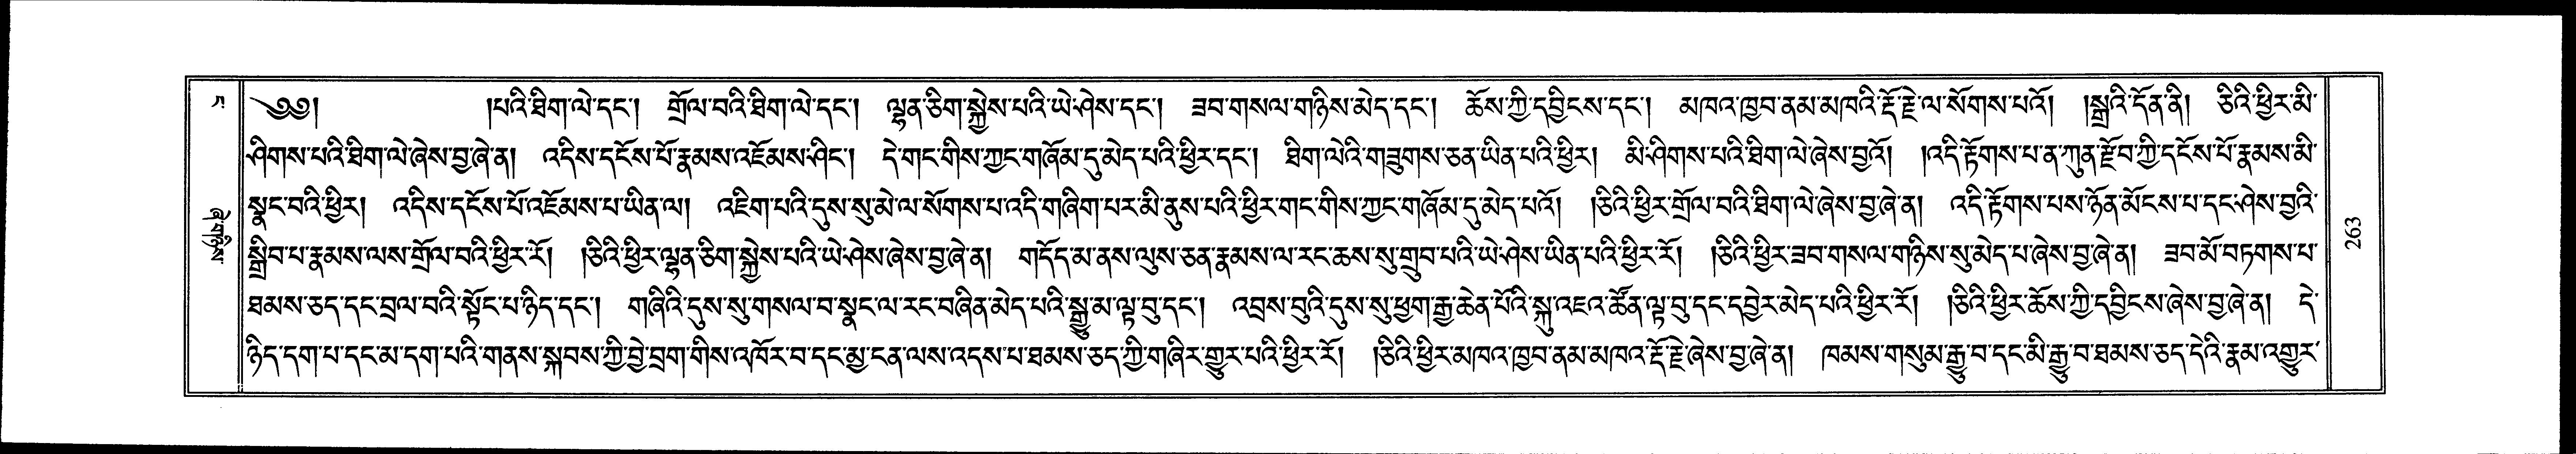༄༅། །པའི་ཐིག་ལེ་དང་། གྲོལ་བའི་ཐིག་ལེ་དང་། ལྷན་ཅིག་སྐྱེས་པའི་ཡེ་ཤེས་དང་། ཟབ་གསལ་གཉིས་མེད་དང་། ཆོས་ཀྱི་དབྱིངས་དང་། མཁའ་ཁྱབ་ནམ་མཁའི་རྡོ་རྗེ་ལ་སོགས་པའོ། །སྒྲའི་དོན་ནི། ཅིའི་ཕྱིར་མི་
ཤིགས་པའི་ཐིག་ལེ་ཞེས་བྱ་ཞེ་ན། འདིས་དངོས་པོ་རྣམས་འཇོམས་ཤིང་། དེ་གང་གིས་ཀྱང་གཞོམ་དུ་མེད་པའི་ཕྱིར་དང་། ཐིག་ལེའི་གཟུགས་ཅན་ཡིན་པའི་ཕྱིར། མི་ཤིགས་པའི་ཐིག་ལེ་ཞེས་བྱའོ། །འདི་རྟོགས་པ་ན་ཀུན་རྫོབ་ཀྱི་དངོས་པོ་རྣམས་མི་
སྣང་བའི་ཕྱིར། འདིས་དངོས་པོ་འཇོམས་པ་ཡིན་ལ། འཇིག་པའི་དུས་སུ་མེ་ལ་སོགས་པ་འདི་གཞིག་པར་མི་ནུས་པའི་ཕྱིར་གང་གིས་ཀྱང་གཞོམ་དུ་མེད་པའོ། །ཅིའི་ཕྱིར་གྲོལ་བའི་ཐིག་ལེ་ཞེས་བྱ་ཞེ་ན། འདི་རྟོགས་པས་ཉོན་མོངས་པ་དང་ཤེས་བྱའི་
སྒྲིབ་པ་རྣམས་ལས་གྲོལ་བའི་ཕྱིར་རོ། །ཅིའི་ཕྱིར་ལྷན་ཅིག་སྐྱེས་པའི་ཡེ་ཤེས་ཞེས་བྱ་ཞེ་ན། གདོད་མ་ནས་ལུས་ཅན་རྣམས་ལ་རང་ཆས་སུ་གྲུབ་པའི་ཡེ་ཤེས་ཡིན་པའི་ཕྱིར་རོ། །ཅིའི་ཕྱིར་ཟབ་གསལ་གཉིས་སུ་མེད་པ་ཞེས་བྱ་ཞེ་ན། ཟབ་མོ་བཏགས་པ་
ཐམས་ཅད་དང་བྲལ་བའི་སྟོང་པ་ཉིད་དང་། གཞིའི་དུས་སུ་གསལ་བ་སྣང་ལ་རང་བཞིན་མེད་པའི་སྒྱུ་མ་ལྟ་བུ་དང་། འབྲས་བུའི་དུས་སུ་ཕྱག་རྒྱ་ཆེན་པོའི་སྐུ་འཇའ་ཚོན་ལྟ་བུ་དང་དབྱེར་མེད་པའི་ཕྱིར་རོ། །ཅིའི་ཕྱིར་ཆོས་ཀྱི་དབྱིངས་ཞེས་བྱ་ཞེ་ན། དེ་
ཉིད་དག་པ་དང་མ་དག་པའི་གནས་སྐབས་ཀྱི་བྱེ་བྲག་གིས་འཁོར་བ་དང་མྱ་ངན་ལས་འདས་པ་ཐམས་ཅད་ཀྱི་གཞིར་གྱུར་པའི་ཕྱིར་རོ། །ཅིའི་ཕྱིར་མཁའ་ཁྱབ་ནམ་མཁའ་རྡོ་རྗེ་ཞེས་བྱ་ཞེ་ན། ཁམས་གསུམ་རྒྱུ་བ་དང་མི་རྒྱུ་བ་ཐམས་ཅད་དེའི་རྣམ་འགྱུར་